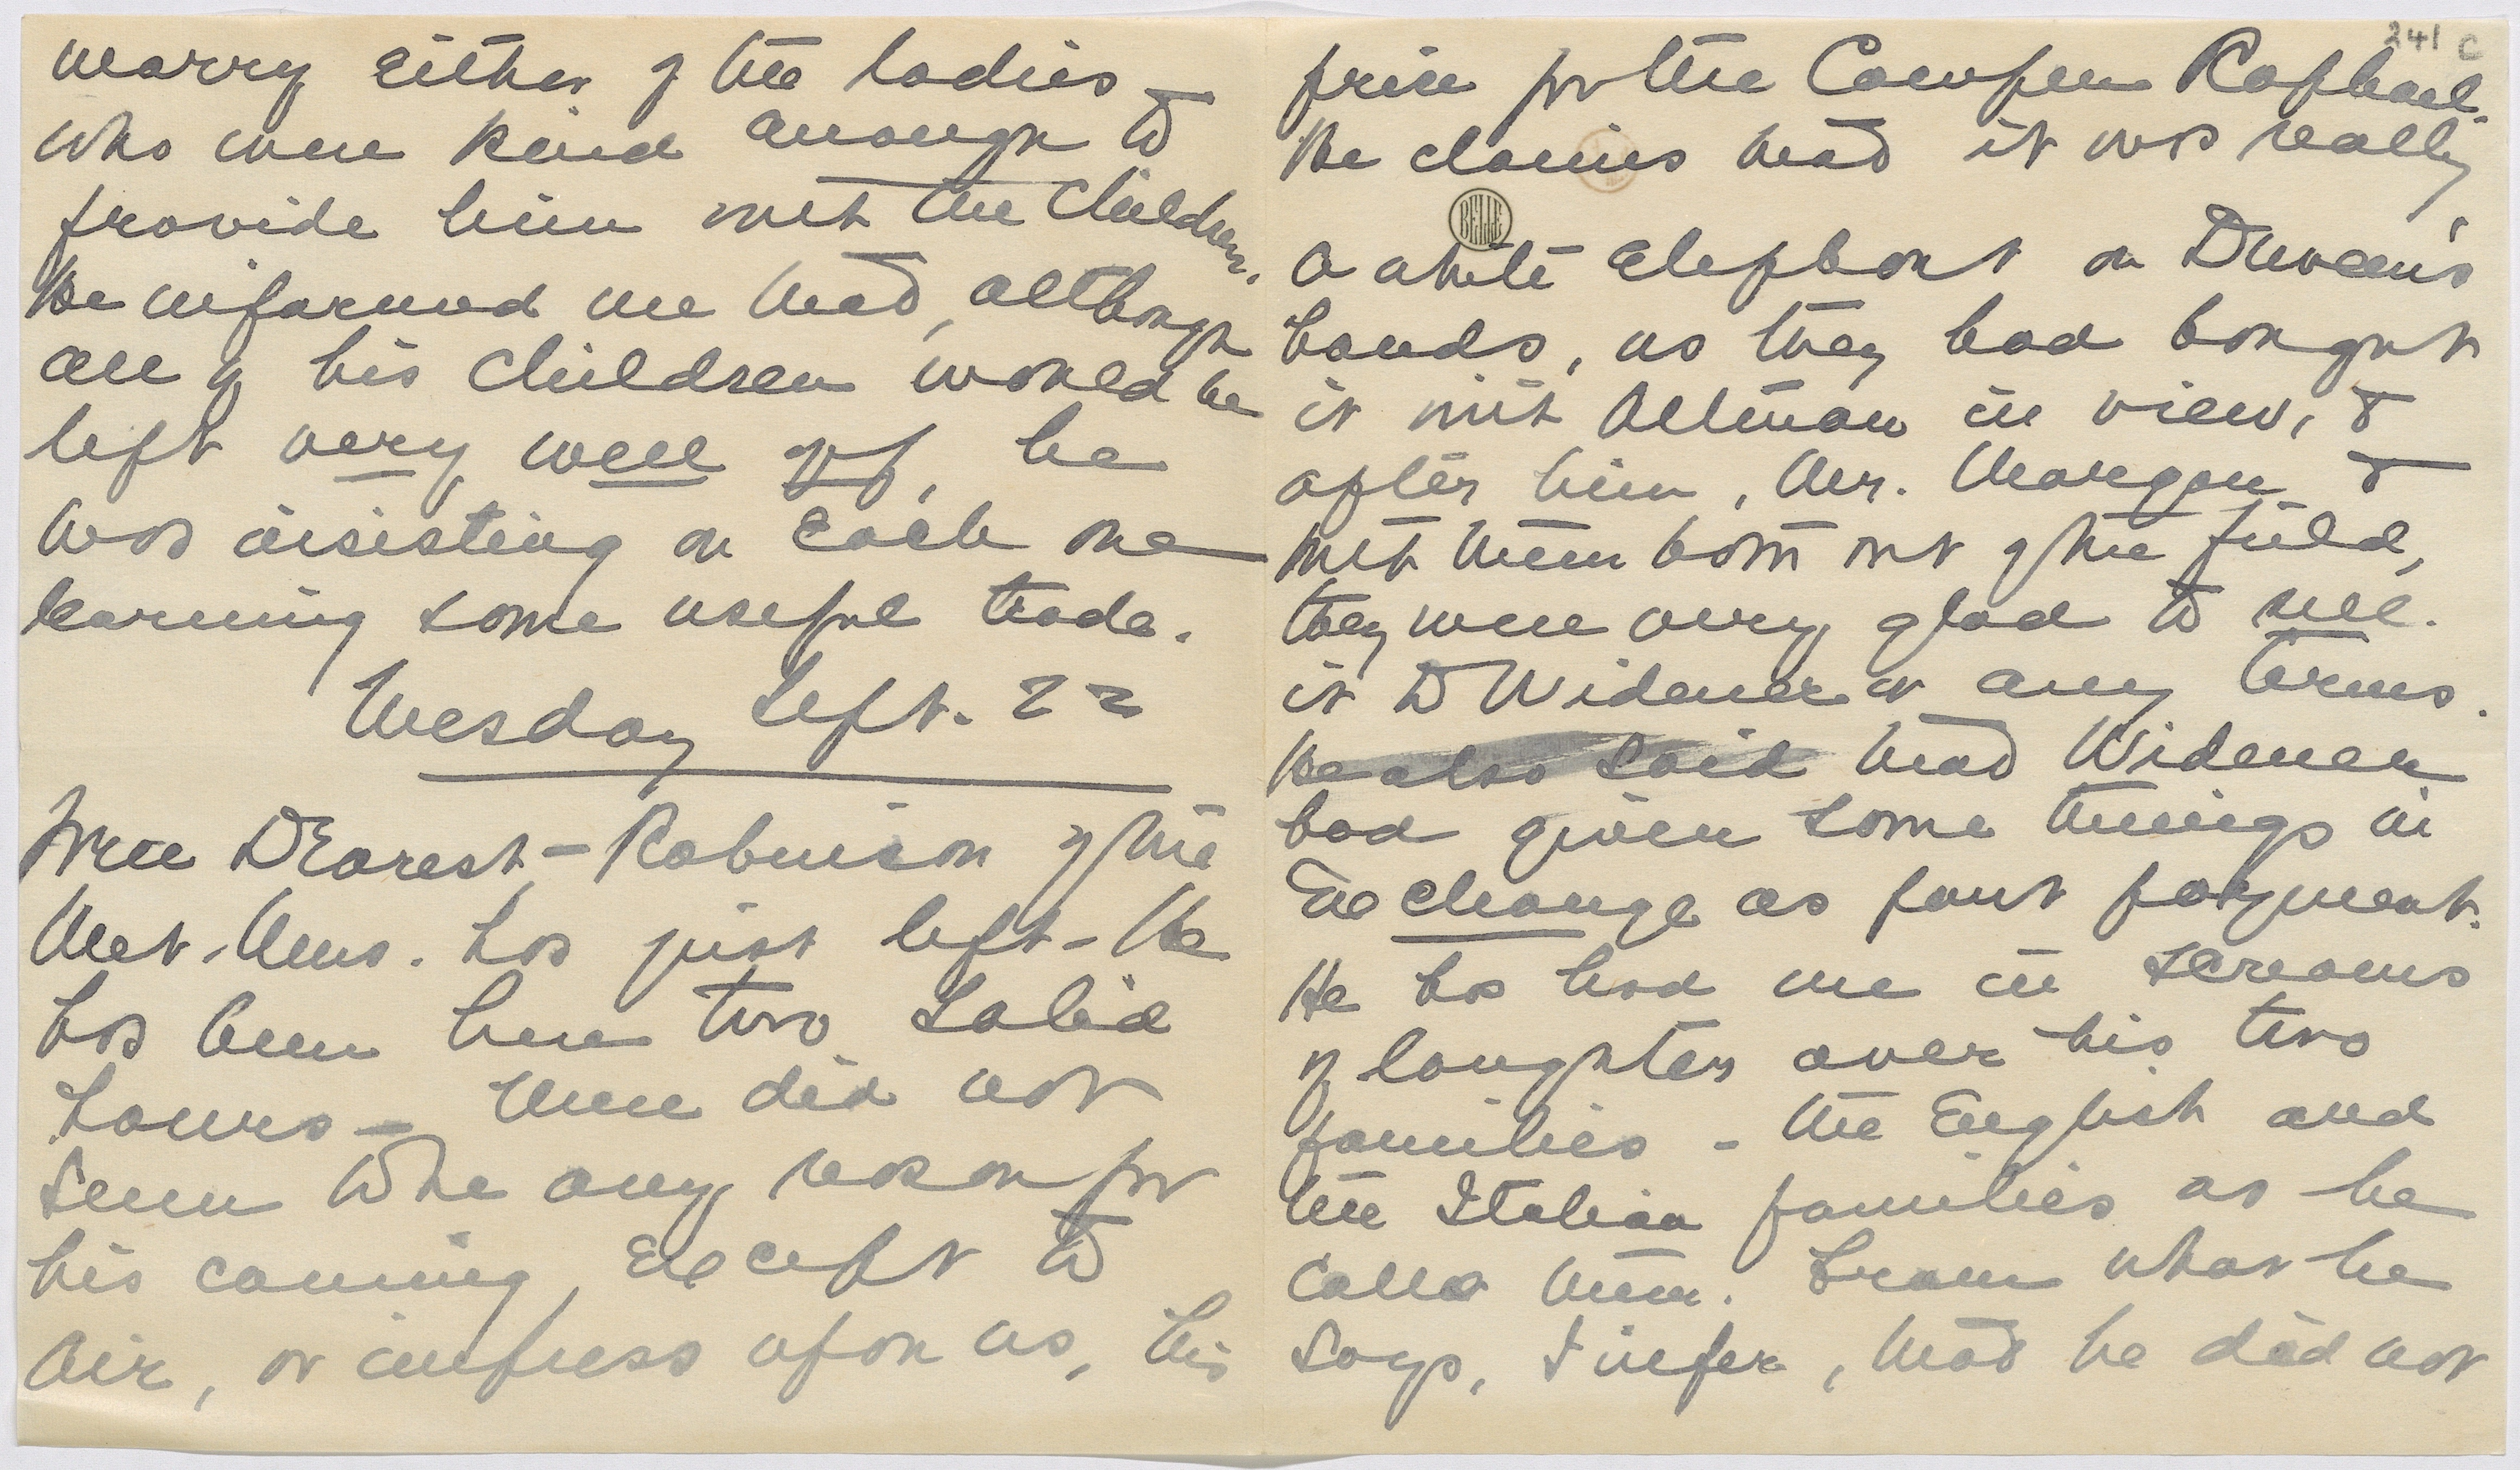price for the Cowper Raphael. He claims that it was really a white elephant on Duveen’s hands, as they had bought it with Altman in view, & after him, Mr. Morgan & with them both out of the field, they were very glad to sell it to Widener on any terms. He also said that Widener had given some things in exchange as part payment. He has had me in screams of laughter over his two families – the English and the Italian families as he calls them. From what he says, I infer, that he did not
marry either of the ladies – who were kind enough to provide him with the children. He informed me that, although all of his children would be left very well off, he was insisting on each one learning some useful trade.
Tuesday Sept. 22
Well Dearest – Robinson of the Met. Mus. has just left – He has been here two solid hours – there did not seem to be any reason for his coming, except to air, or impress upon us, his